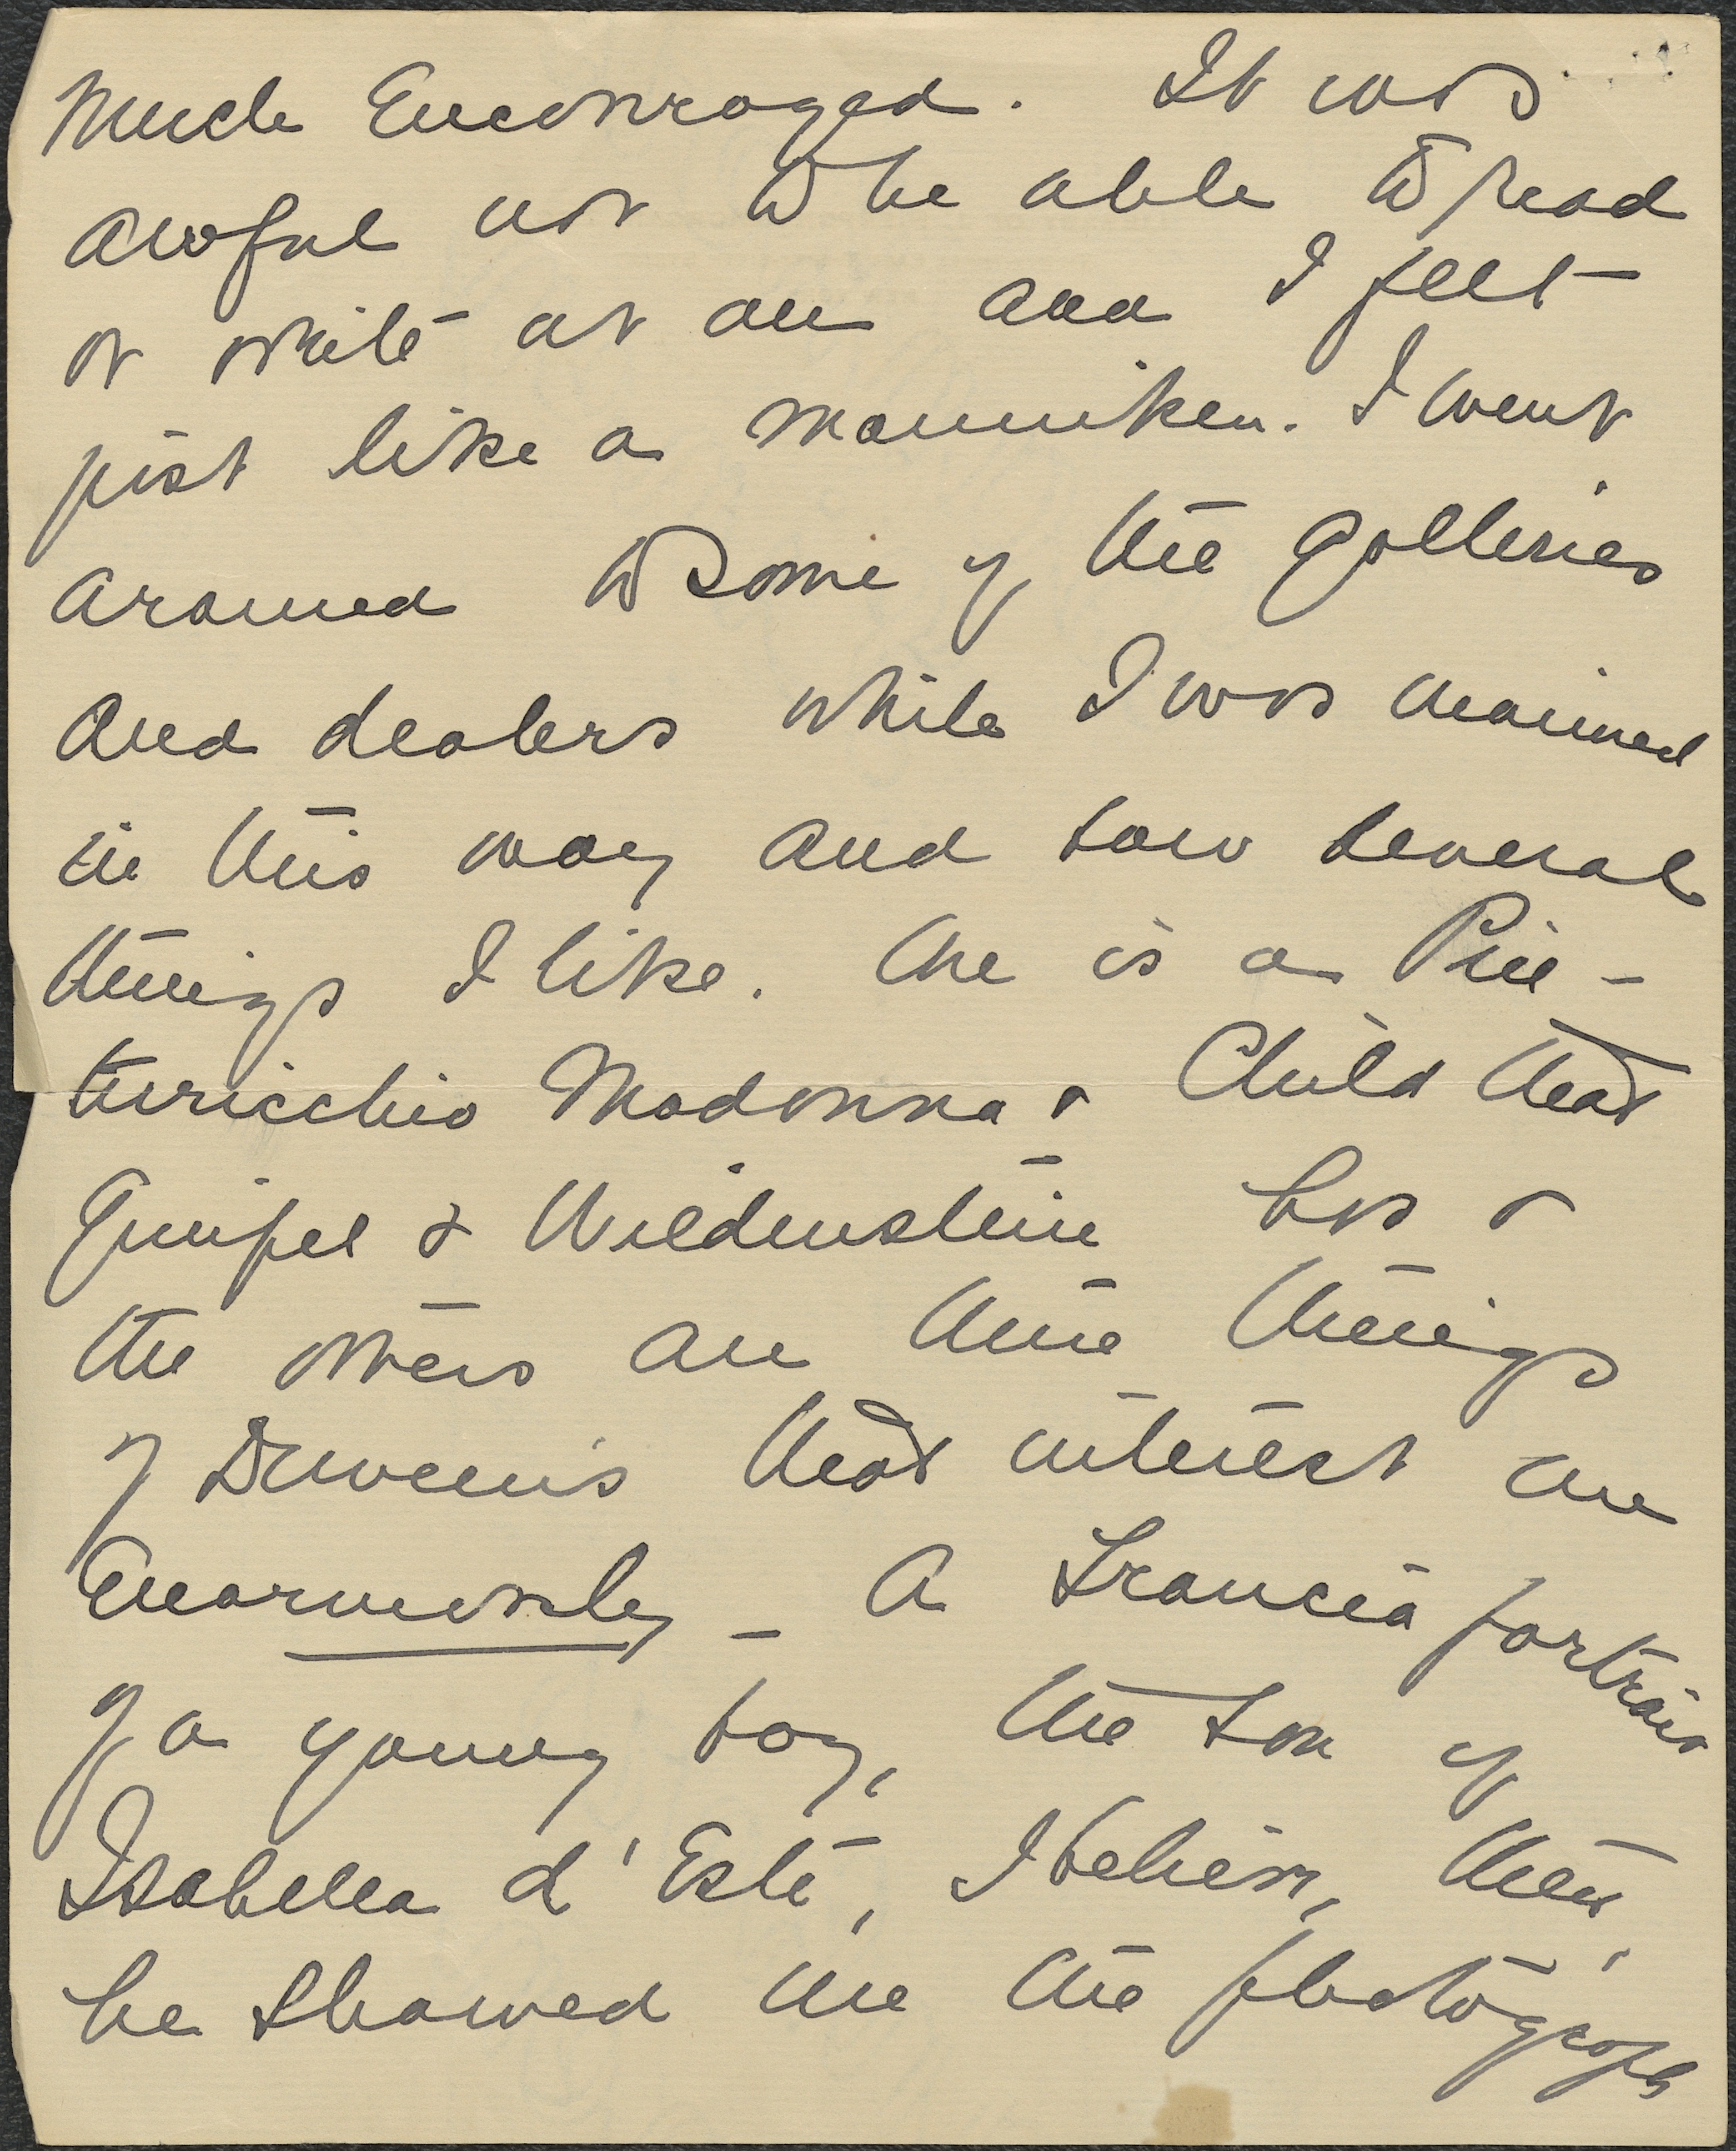much encouraged. It was awful not to be able to read or write at all and I felt just like a manniken [sic]. I went around to some of the galleries and dealers while I was maimed in this way and saw several things I like. One is a Pinturicchio Madonna & Child that Gimpel & Wildenstein has & the others are three things of Duveen’s that interest me enormously – A Francia portrait of a young boy, the son of Isabella d’Este, I believe, then he showed me the photograph